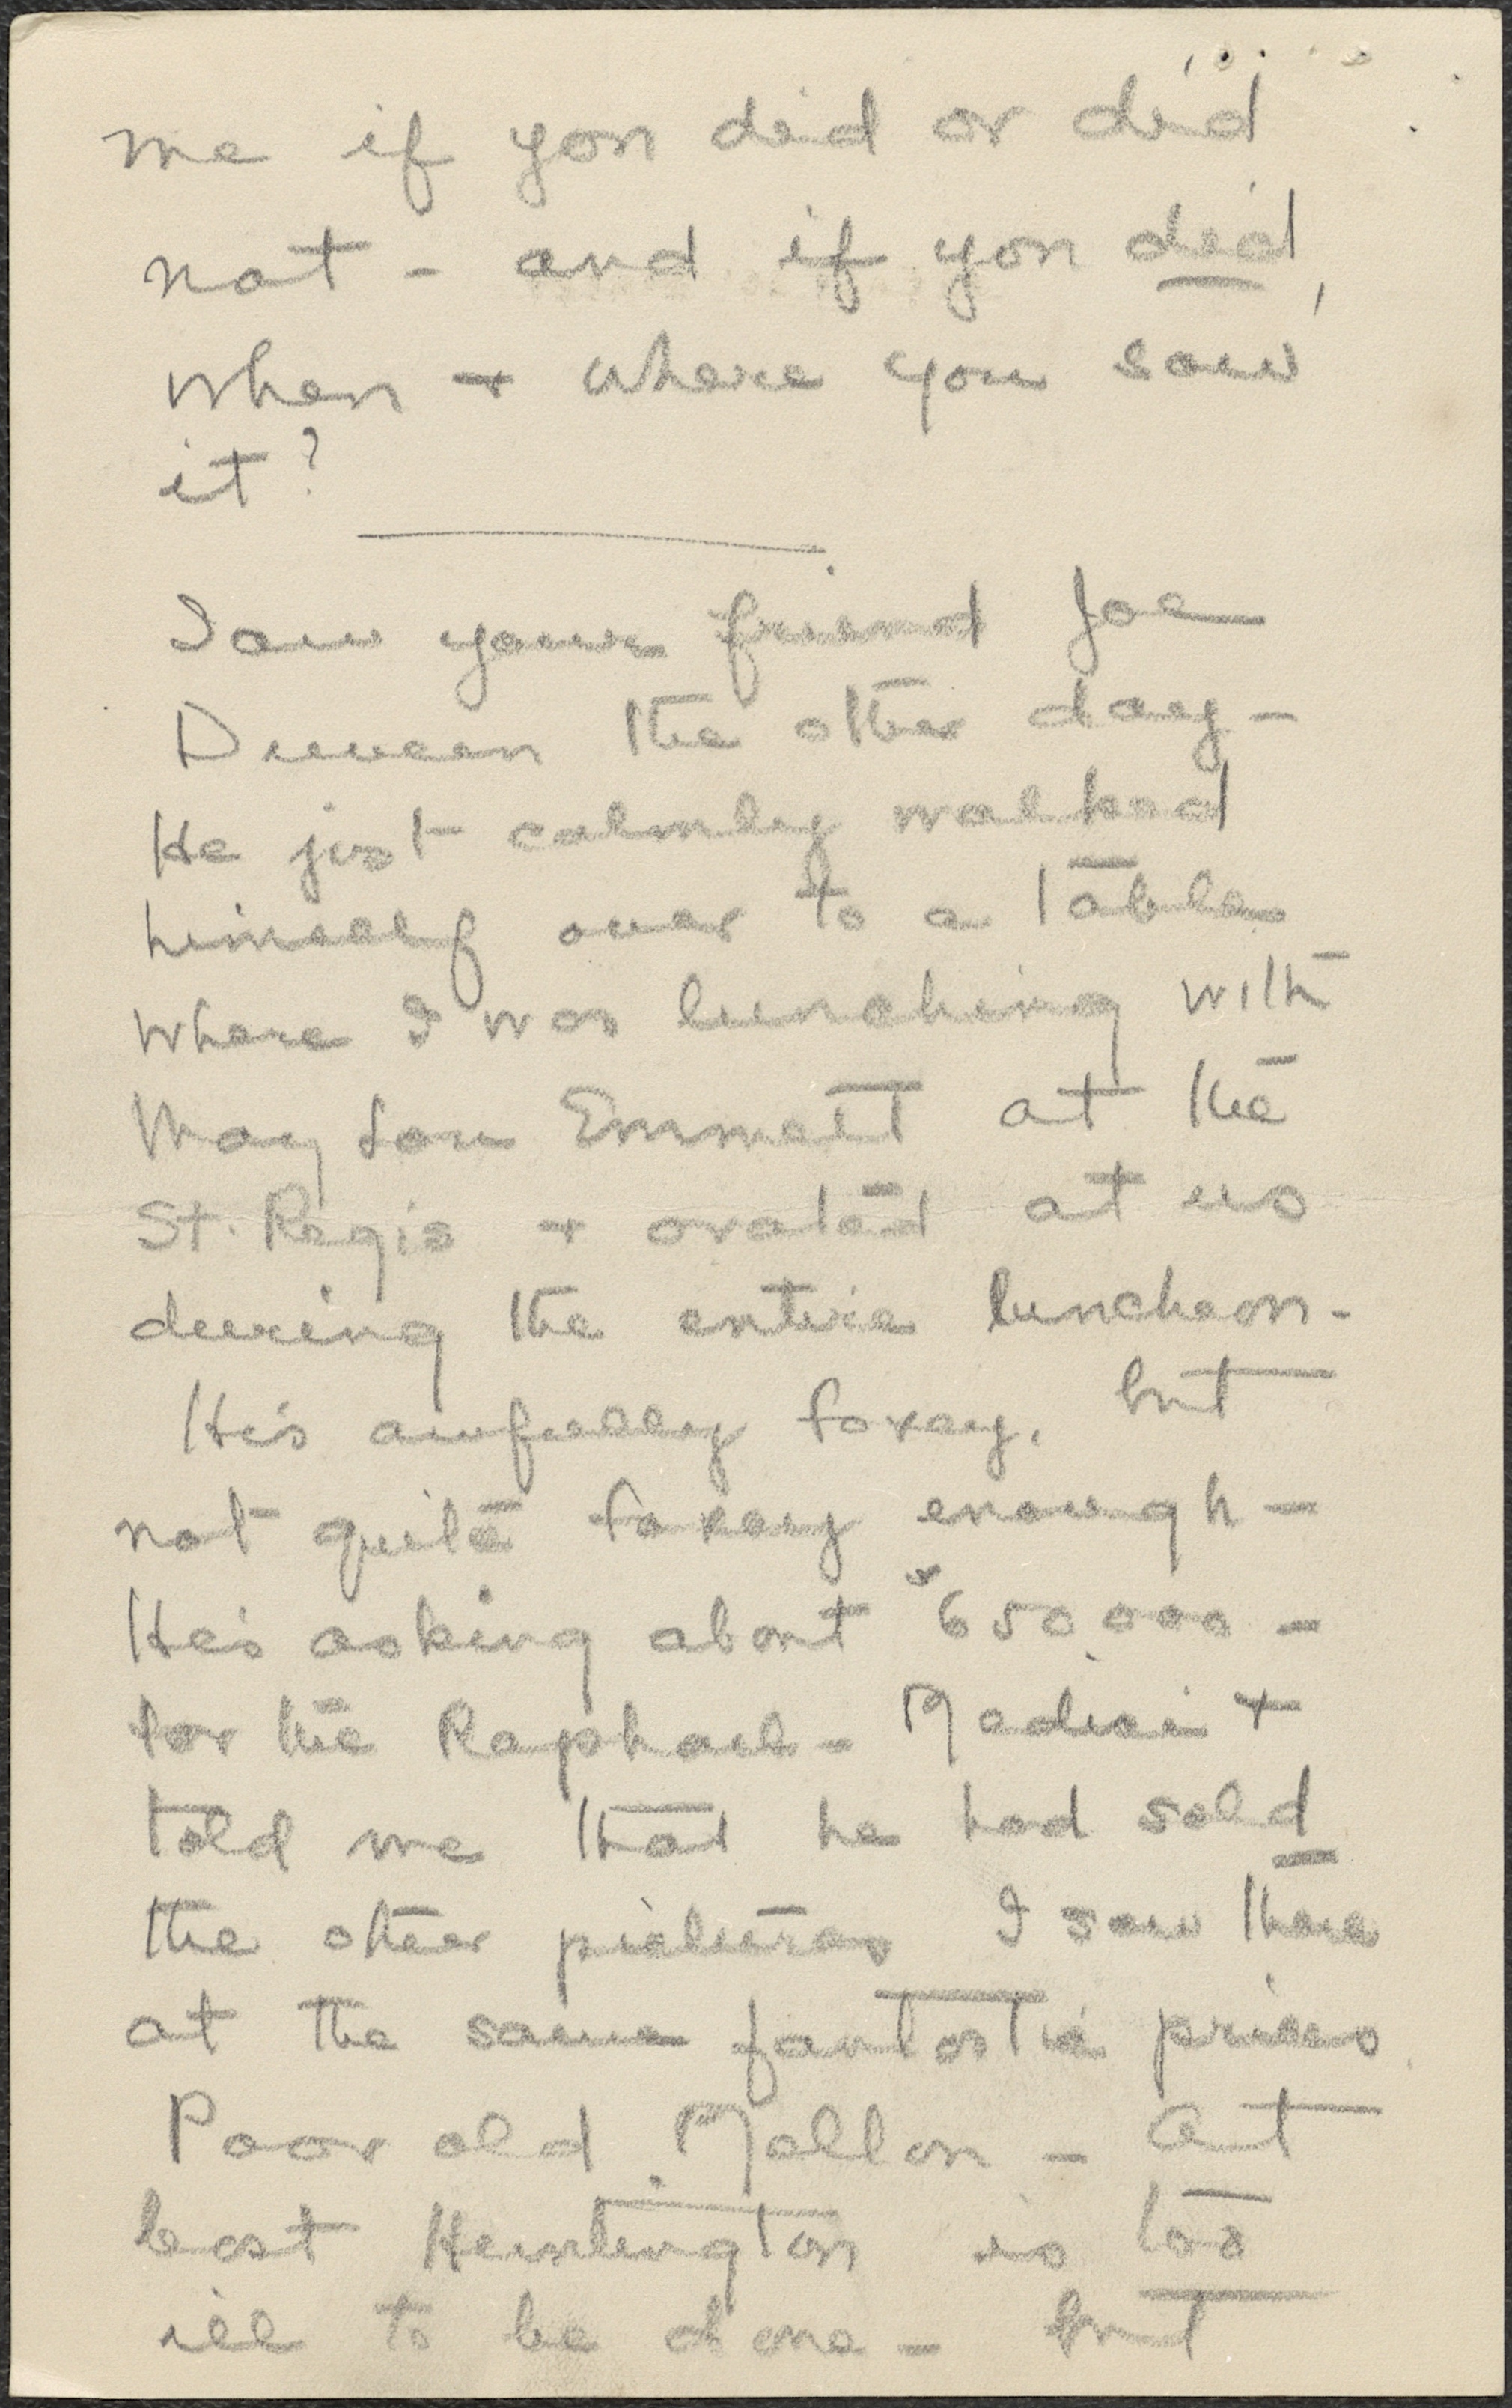me if you did or did not – and if you did, when & where you saw it? –
Saw your friend Joe Duveen the other day – He just calmly walked himself over to a table where I was lunching with May Lou Emmett at the St. Regis & orated at us during the entire luncheon –
He’s awfully foxey, but not quite foxey enough – He’s asking about $650,000 – for the Raphael-Medici & told me that he had sold the other pictures I saw there at the same fantastic prices
Poor old Mellon – at least Huntington is too ill to be done – but